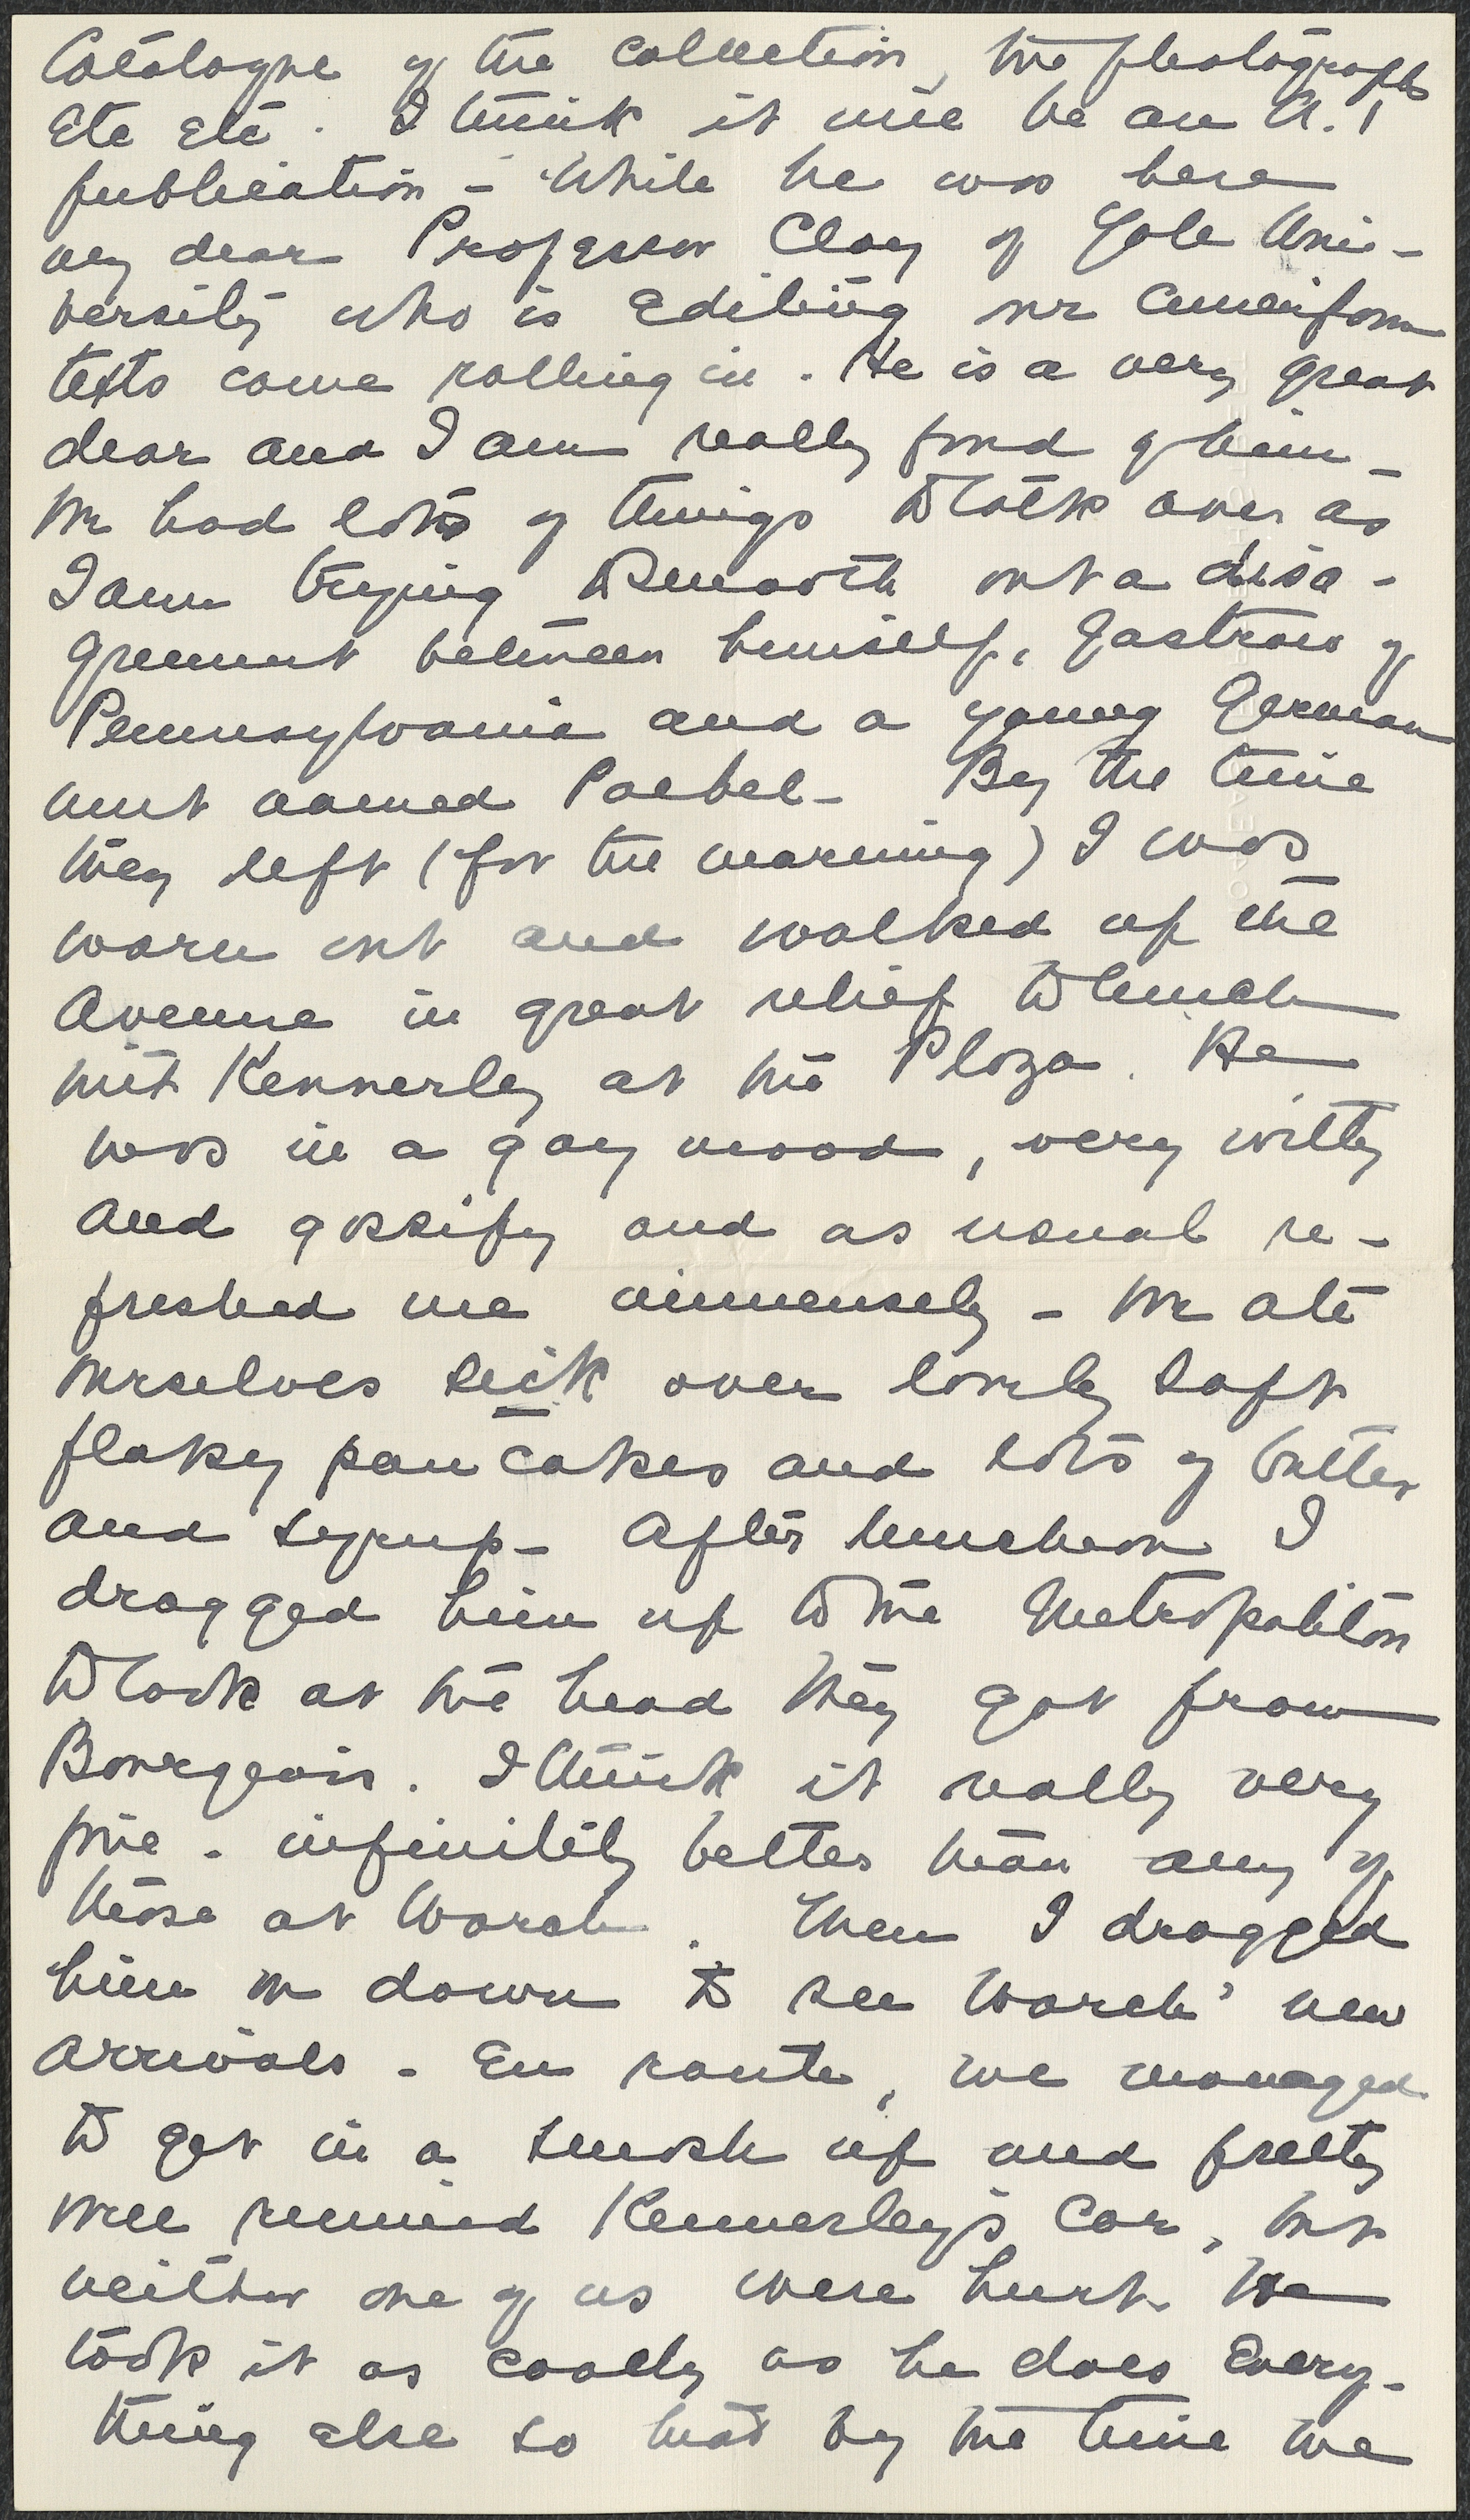catalogue of the collection, the photographs etc etc. I think it will be an A.1 publication – while he was here my dear Professor Clay of Yale University who is editing our cuneiform texts came rolling in. He is a very great dear and I am really fond of him – We had lots of things to talk over as I am trying to smooth out a disagreement between himself, Jastrow of Pennsylvania and a young German nut named Polbel – By the time they left (for the morning) I was worn out and walked up the Avenue in great relief to lunch with Kennerly at the Plaza. He was in a gay mood, very witty and gossipy and as usual refreshed me immensely – we ate ourselves sick over lovely soft flaky pancakes and lots of butter and syrup – After luncheon I dragged him up to the Metropolitan to look at the head they got from Bourgeois. I think it really very fine – infinitely better than any of those at Worch. Then I dragged him on down to see Worch’ new arrivals – En route, we managed to get in a smash up and pretty well ruined Kennerley’s car, but neither one of us were hurt. He took it as coolly as he does everything else so that by the time we